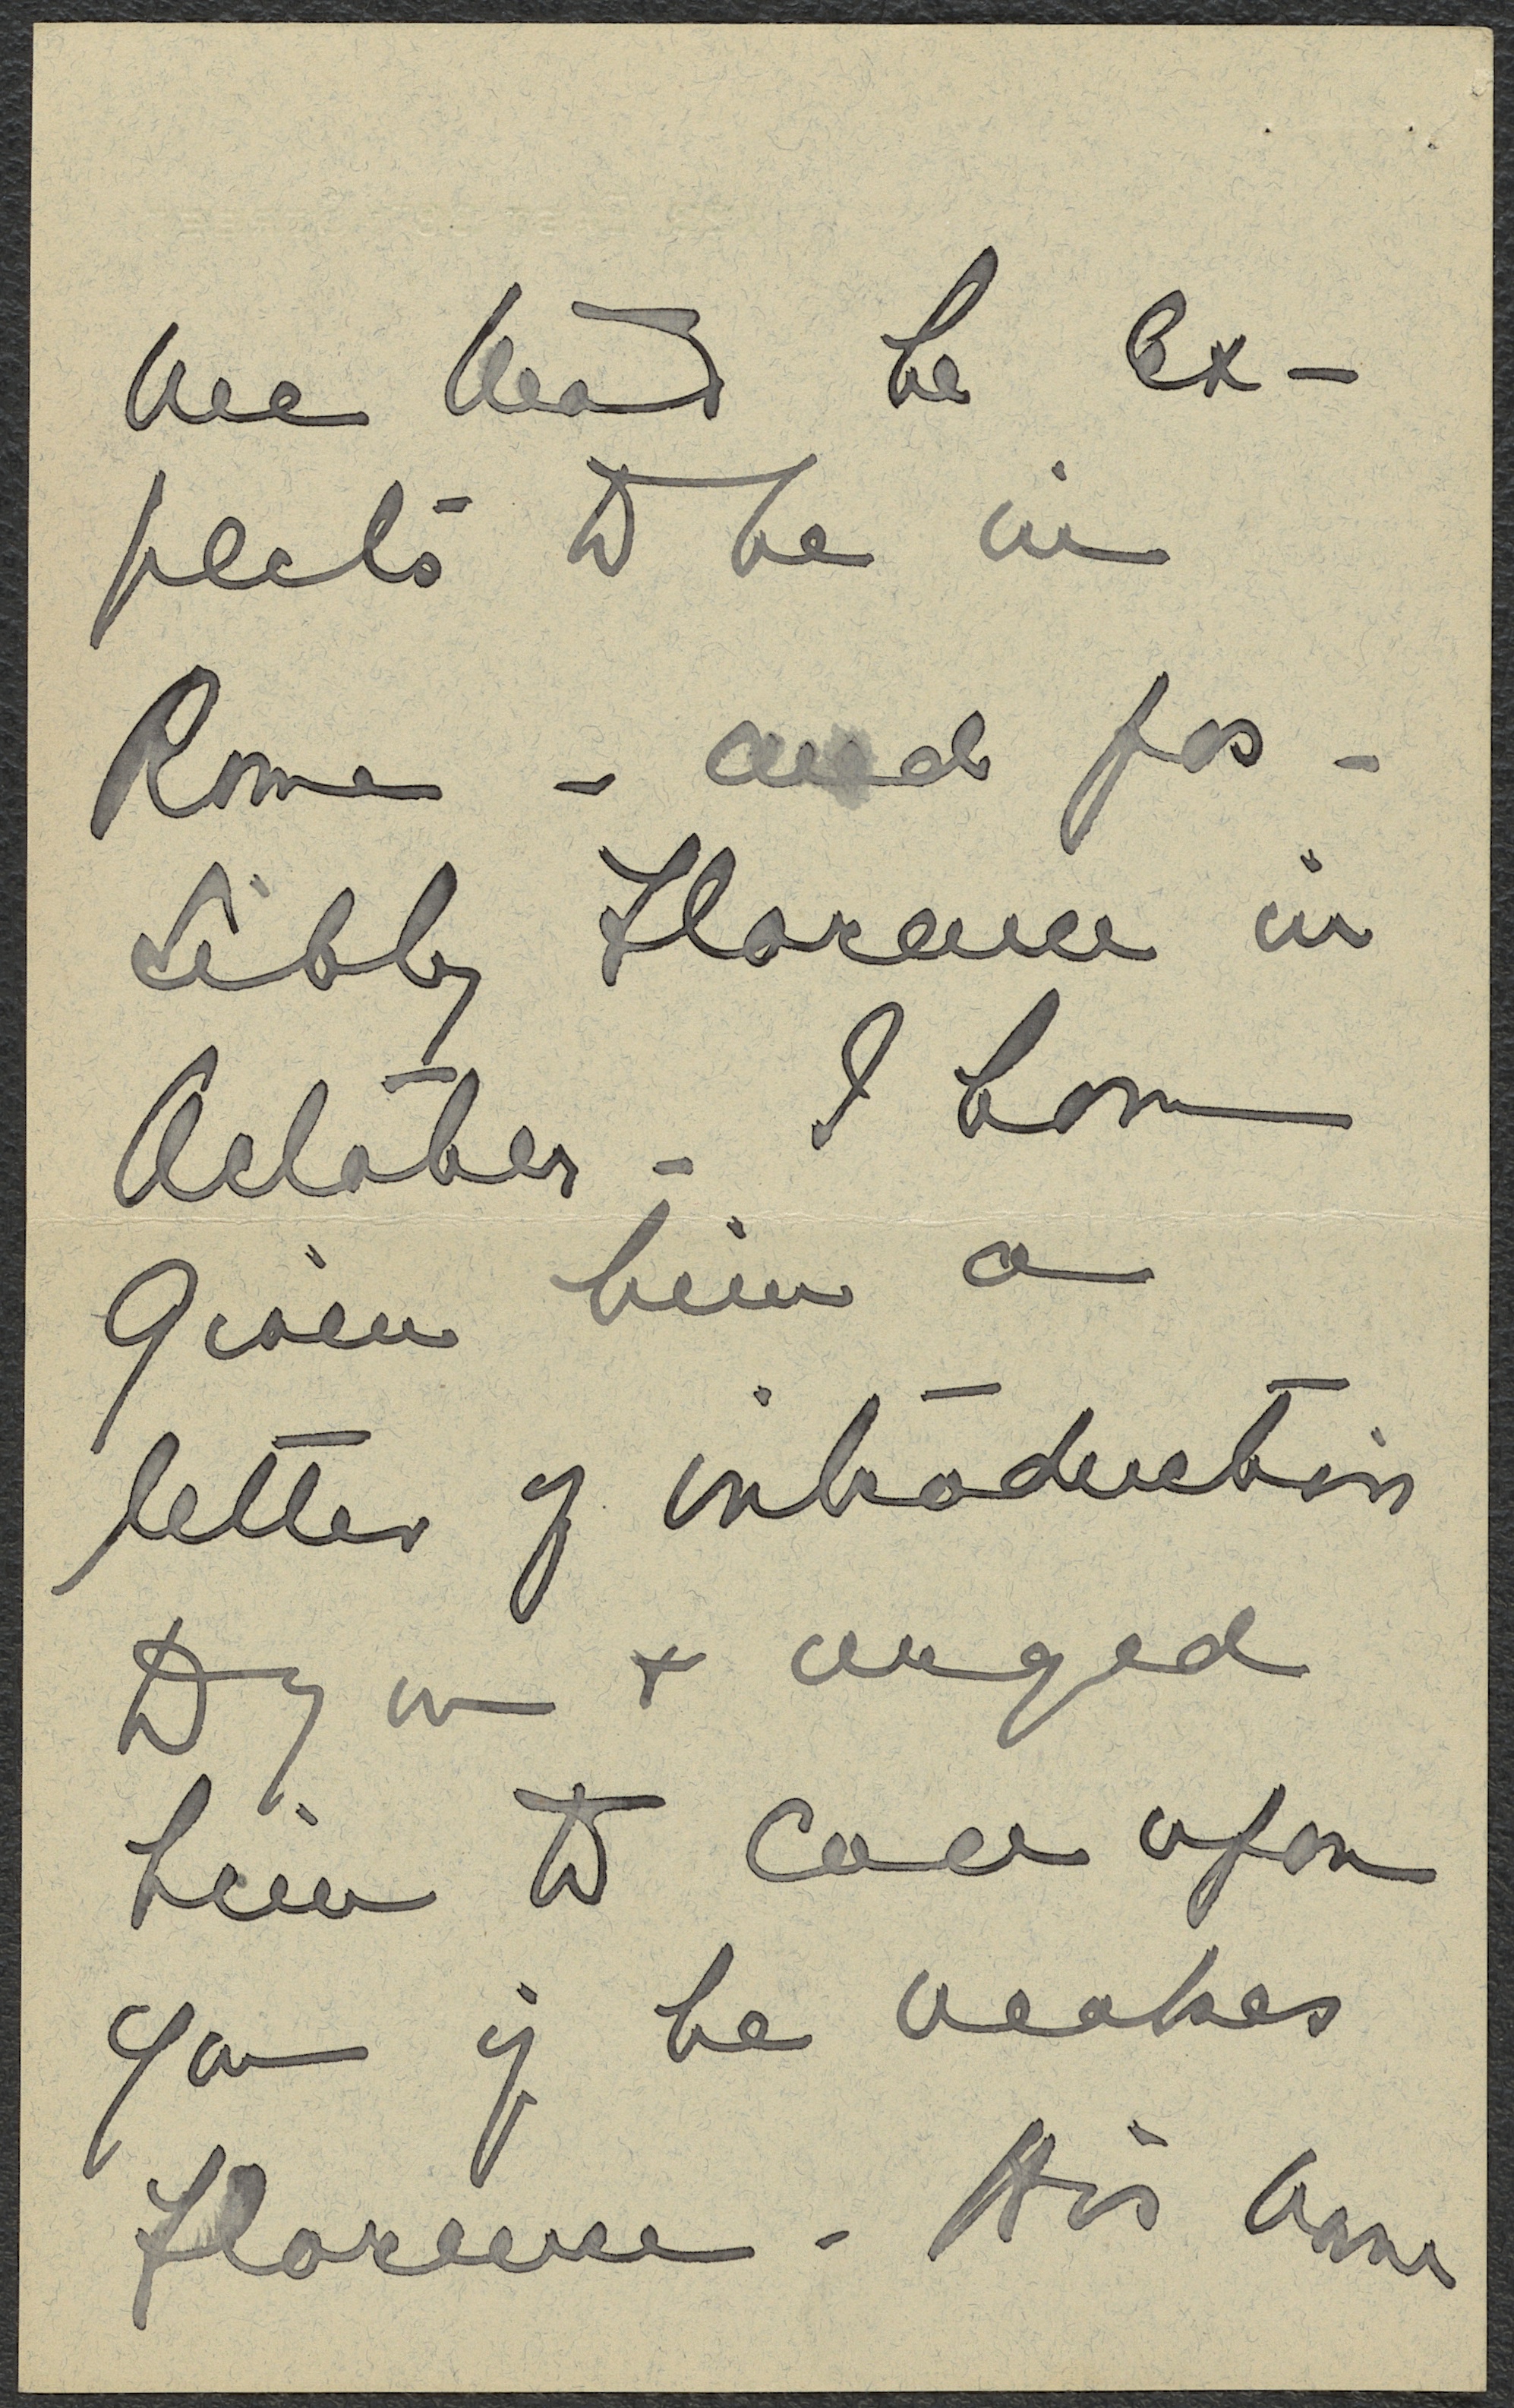me that he expects to be in Rome – and possibly Florence in October – I have given him a letter of introduction to you & urged him to call upon you if he makes Florence – His name